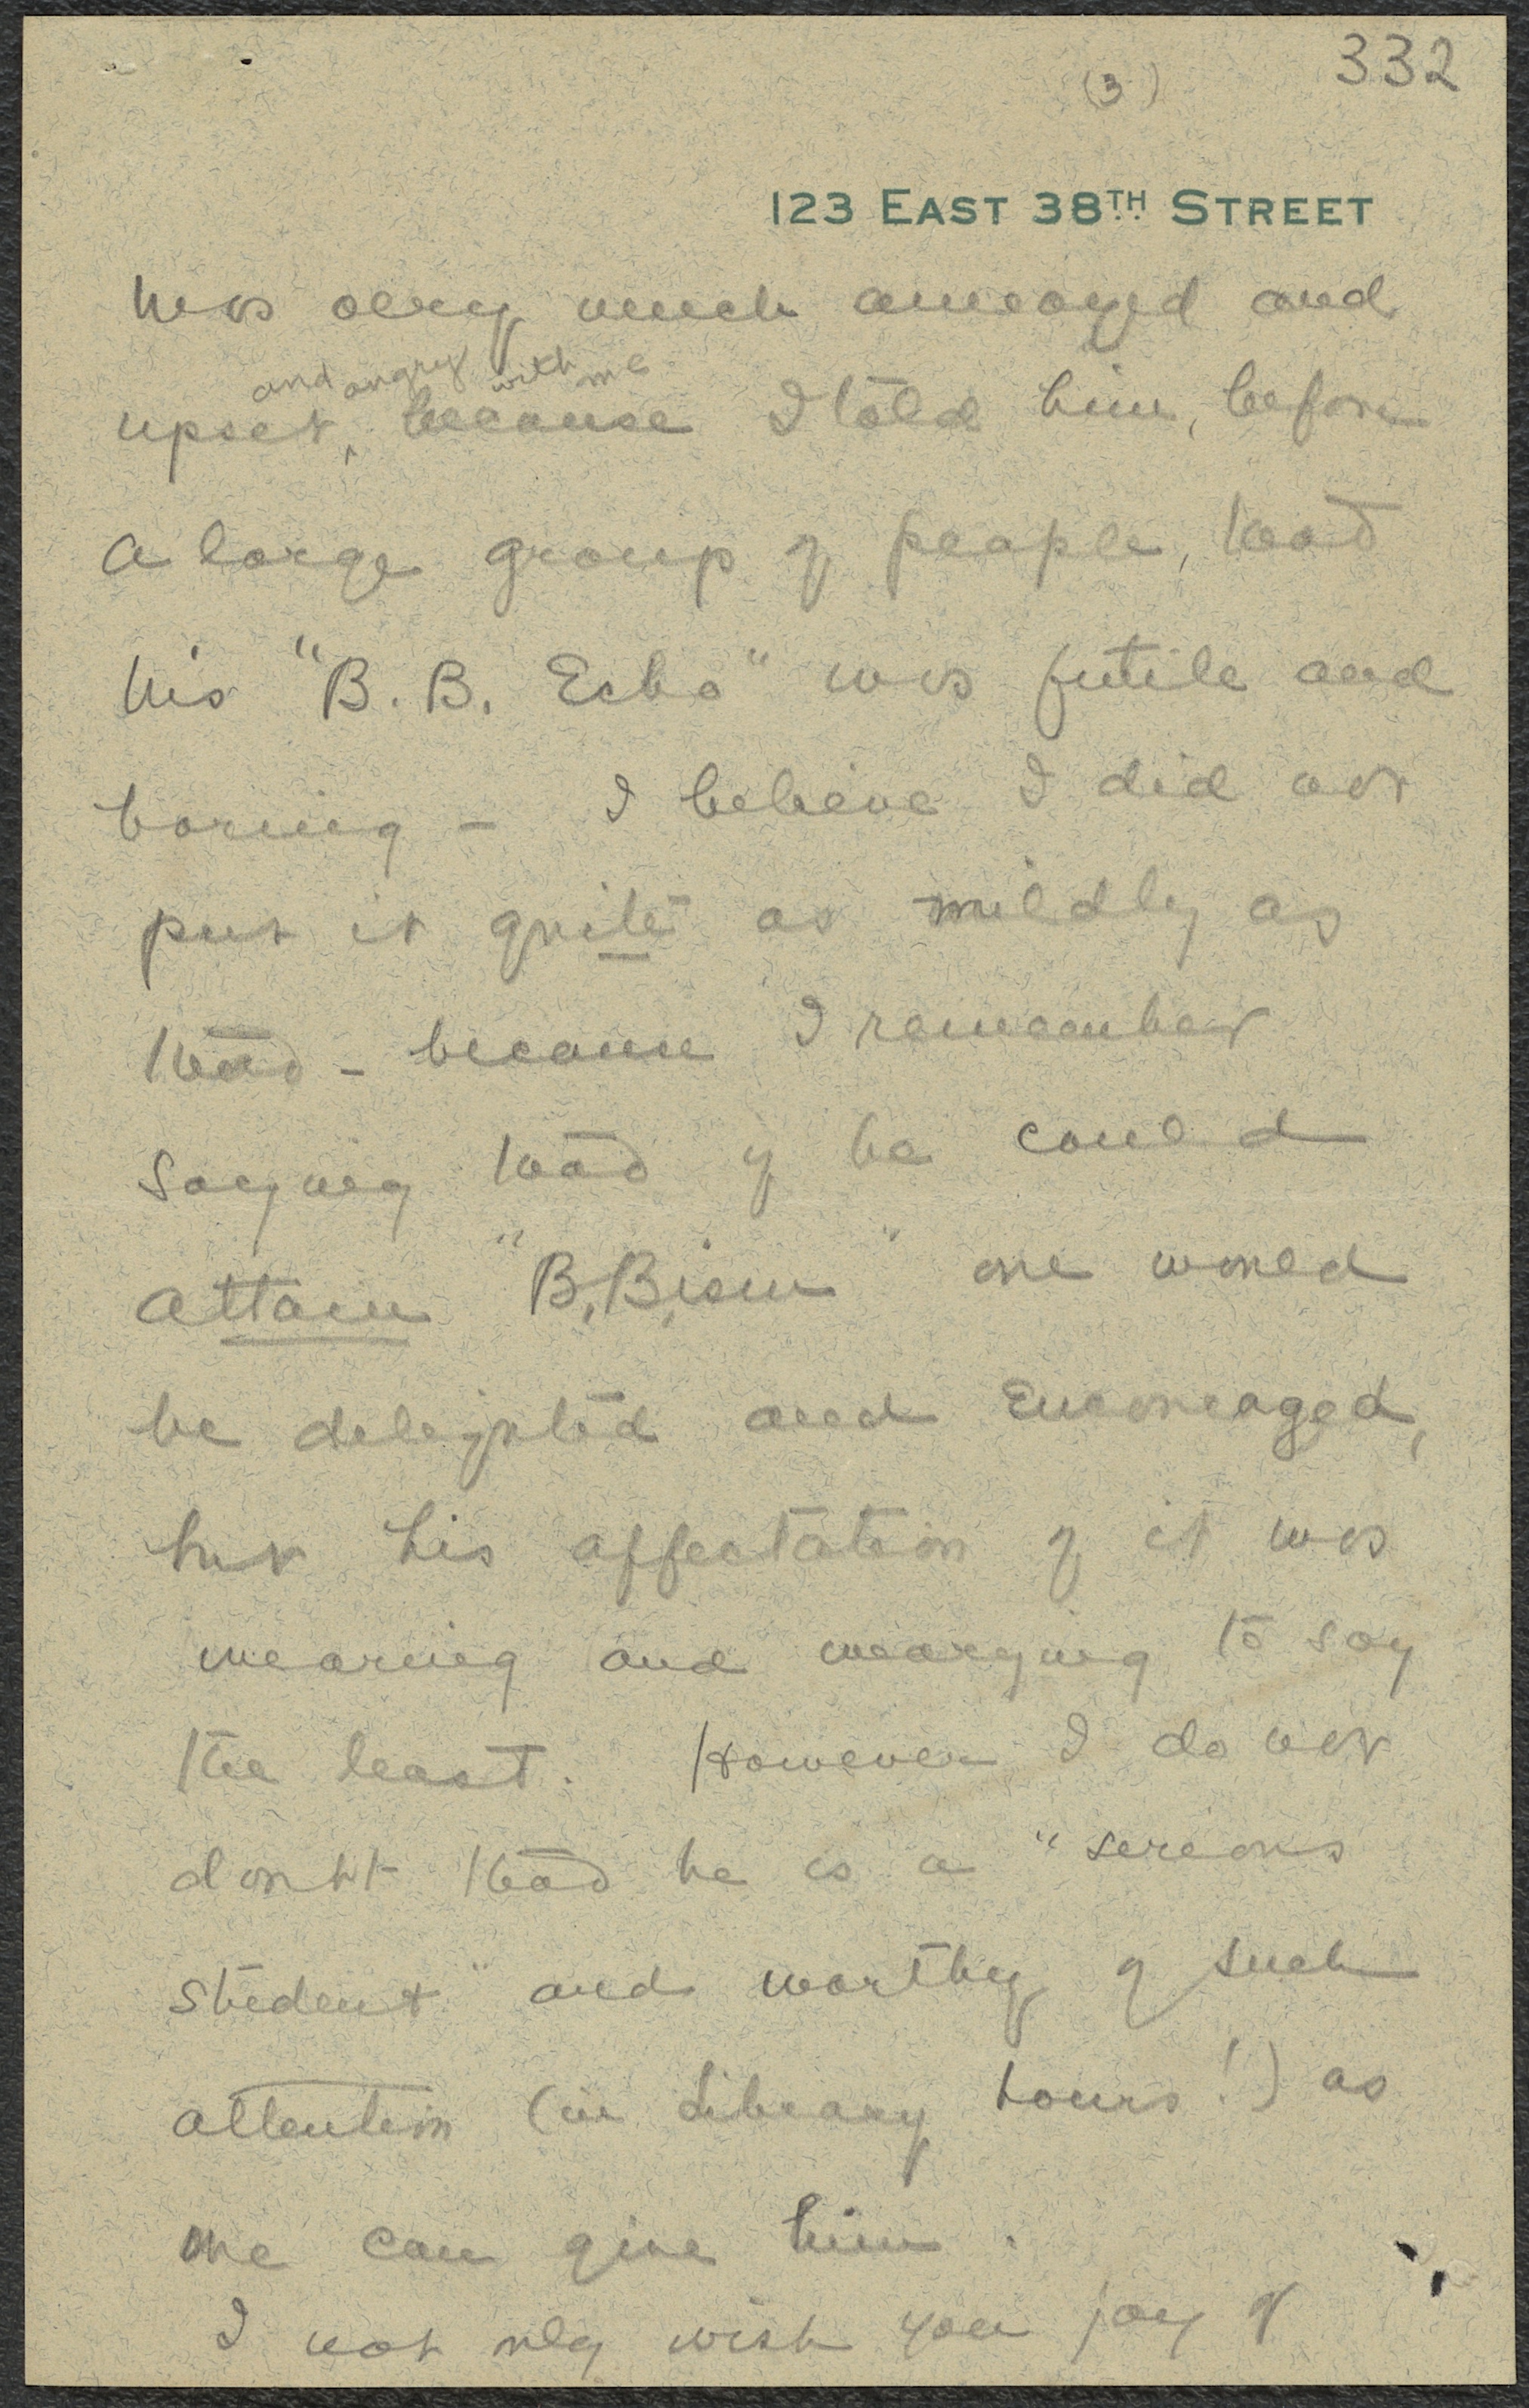(3)
was very much annoyed and upset [^and angry with me^] because I told him, before a large group of people, that his "B.B. Echo" was futile and boring – I believe I did not put it quite as mildly as that – because I remember saying that if he could attain "B.B.ism" one would be delighted and encouraged, but his affectation of it was wearing and wearying to say the least. However I do not doubt that he is a "serious student" and worthy of such attention (in Library hours!) as one can give him.
I not only wish you joy of